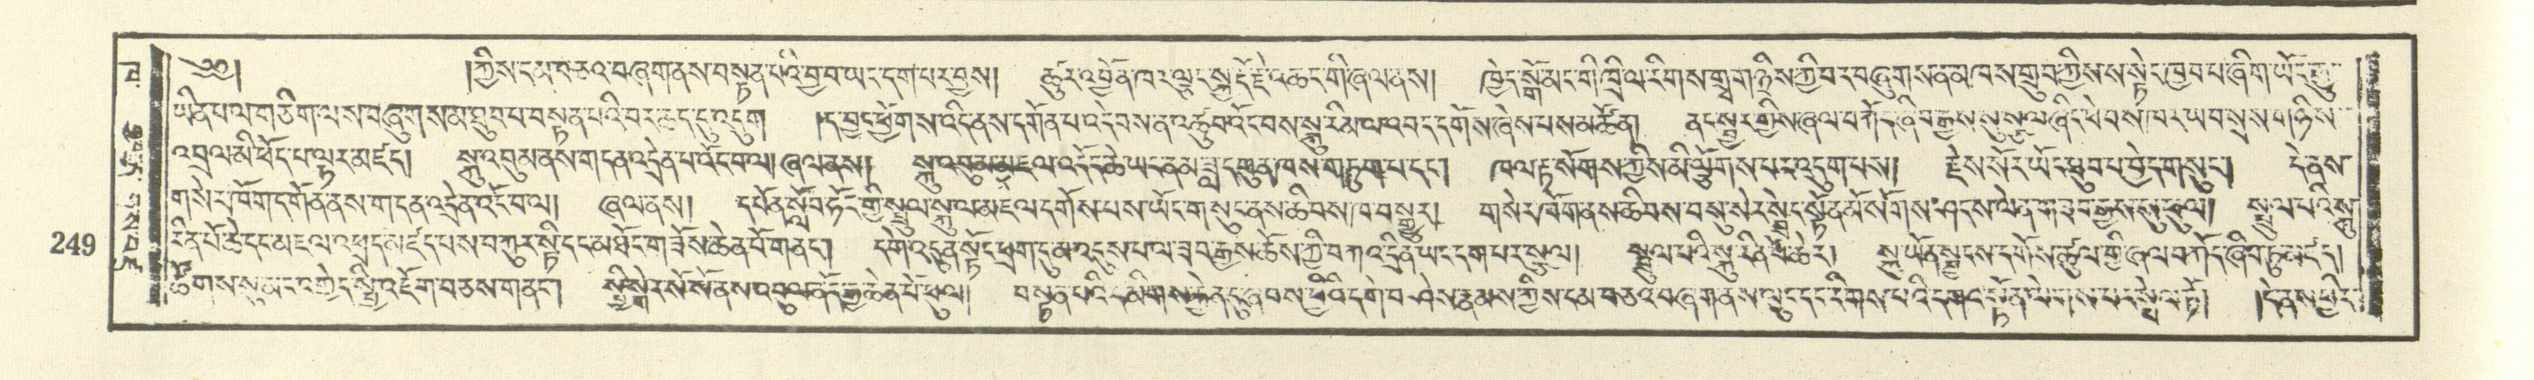༄༅། །ཀྱིས་དམ་བཅའ་བཞག་ནས་བསྟན་པའི་བྱ་བ་ཡང་དག་བར་བྱས། ཚུར་འབྱོན་ཁར་ལྕང་སྐྱ་རྡོ་རྗེ་འཆང་གི་ཞལ་ནས། ཁྱེད་སྒོ་མང་གི་ཁྲི་ལ་རིགས་གྲྭ་གཉིས་ཀྱི་བར་བཞུགས་ན་མཁས་གྲུབ་ཀྱིས་ས་སྟེང་ཁྱབ་པ་ཞིག་ཡོང་རྒྱུ་
ཡིན་པ་ལ་གཅིག་ལས་བཞུགས་མ་ཐུབ་པ་བསྟན་པའི་བར་ཆད་དུ་འདུག །དབྱང་ཕྱོགས་འདི་ནས་དགོན་པ་འདེབས་ན་འཚུབ་འོང་བས་སྐུ་རིམ་ལ་འབད་དགོས་ཞེས་པས་མཚོན། ནང་སྦྱར་གྱིས་ཞལ་བཀོད་ཞིབ་རྒྱས་སུ་སྩལ་ཞིང་ཕེབས་ཁར་ཡབ་སྲས་གཉིས་
འབྲལ་མི་ཕོད་པ་ལྟར་མཛད། སྐུ་འབུམ་ནས་གདན་འདྲེན་པ་འོང་བ་ལ། ཞལ་ནས། སྐུ་འབུམ་མཇལ་འདོད་ཆེ་ཡང་ནམ་ཟླ་དགུན་ཁས་གཏུག་པ་དང་། ཁལ་རྟ་སོགས་ཀྱིས་མི་ལྕོགས་པར་འདུག་པས། རྗེས་སོར་ཡོང་ཐུབ་པ་བྱེད་གསུང་། དེ་ནས་
གསེར་ཁོག་དགོན་ནས་གདན་འདྲེན་འོང་བ་ལ། ཞལ་ནས། དཔོན་སློབ་ཧོར་གྱི་སྤྲུལ་སྐུ་ལ་མཇལ་དགོས་པས་ཡོང་གསུང་ནས་ཆིབས་ཁ་བསྒྱུར། གསེར་ཁོག་ནས་ཆིབས་བསུ་སེར་སྦྲེང་སྟོན་མོ་སོགས་ཤངས་ལེན་གཟབ་རྒྱས་སུ་ཕུལ། སྤྲུལ་པའི་སྐུ་
རིན་པོ་ཆེ་དང་མཇལ་འཕྲད་མཛད་པས་བཀུར་སྟི་དང་མཐོང་གཟོས་ཆེན་པོ་གནང་། དགེ་འདུན་སྟོང་ཕྲག་དུ་མ་འདུས་པ་ལ་ཟབ་རྒྱས་ཆོས་ཀྱི་བཀའ་དྲིན་ཡང་དག་པར་སྩལ། སྤྲུལ་པའི་སྐུ་རིན་པོ་ཆེར། སྐུ་ཡོན་སྦྱངས་དགོས་ཚུལ་གྱི་ཞལ་བཀོད་ཞིབ་ཏུ་མཛད།
ཚོགས་སུ་མང་འགྱེད་སྤྱི་འཇོག་བཅས་གནང་། སྤྱི་སྒེར་སོ་སོ་ནས་འབུལ་ནོད་རྒྱ་ཆེན་པོ་ཕུལ། བསྟན་པའི་དམིགས་རྐྱེན་དུ་ཞབས་ཕྱིའི་དགེ་བཤེས་རྣམས་ཀྱིས་དམ་བཅའ་བཞག་ནས་ལུང་དང་རིགས་པའི་དགའ་སྟོན་ལེགས་པར་སྤེལ་ཏོ། །དེ་ནས་ཕྱིར་